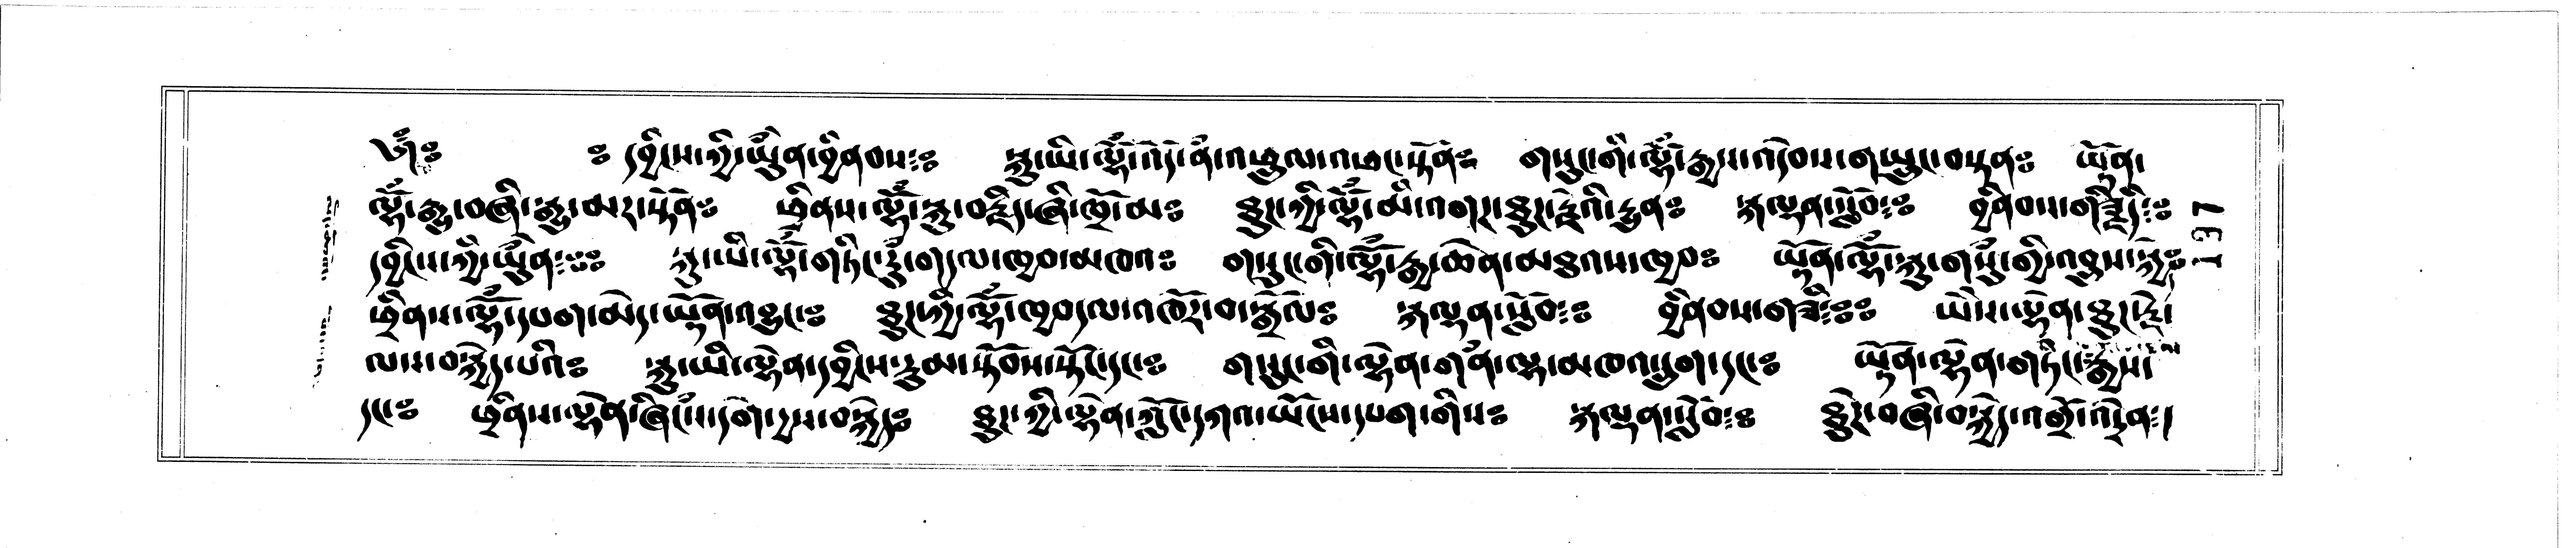དབྱིངས་ཀྱི་ཡུམ་ཆེན་བྱིན་རླབས་ལས་བྱུང་བསཿ སྐུ་ཡི་ལྷ་མོ་འོད་ནམ་འཕྲུལ་འཕང་སྟོནཿ གསུང་གི་ལྷ་མོ་རྒྱས་འདེབས་གཡུང་དྲུང་བསྟནཿ ཡོན་
ཏན་ལྷ་མོ་རྒྱུ་བཞི་སྒྱུ་མ་སྟོནཿ ཕྲིན་ལས་ལྷ་མོ་སྐུ་བརྗིད་ཞི་ཁྲོ་མཿ ཐུགས་ཀྱི་ལྷ་མོ་མི་འགག་ཐུགས་རྗེ་རྒྱུནཿ སྐལ་ལྡན་སློབ་མ་རྣམས་ལ་དབང་བསྐུར་བསཿ བྱིན་རླབས་གཟི་བརྗིད་འགྲོ་འདྲེན་དབང་ཐོབ་ཤོགཿ 
དབྱིངས་ཀྱི་ཡུམ་ཆེན་བྱིན་རླབས་ལས་བྱུང་བསཿ སྐུ་ཡི་ལྷ་མོ་གཏིང་རུམ་བདལ་ཁྱབ་མཁའཿ གསུང་གི་ལྷ་མོ་རྒྱ་ཆེ་མཐའ་ཡས་ཁྱབཿ ཡོན་ཏན་ལྷ་མོ་སྐུ་གསུམ་གྱི་འབྲས་བུ་སྐྱེདཿ 
ཕྲིན་ལས་ལྷ་མོ་ཡོན་ཏན་དཔག་མེད་འབྱུངཿ ཐུགས་ཀྱི་ལྷ་མོ་ཁྱབ་བདལ་འཁོར་བ་སྒྲོལཿ སྐལ་ལྡན་སློབ་མ་རྣམས་ལ་དབང་བསྐུར་བསཿ བྱིན་རླབས་གཟི་བརྗིད་འགྲོ་འདྲེན་དབང་ཐོབ་ཤོགཿ ཡེ་ཤེས་ལྷ་ཆེན་པོ་ཐུགས་རྗེ་
ལས་བསྐྱེད་པའིཿ སྐུ་ཡི་ལྷ་ཆེན་དབྱིངས་རུམ་སྟོབས་སྟངསཿ གསུང་གི་ལྷ་ཆེན་གནམ་ལྷ་མཁའ་དྲུགཿ ཡོན་ཏན་གྱི་ལྷ་ཆེན་གཏིང་དཔག་མཐའ་རྒྱསཿ 
ཕྲིན་ལས་ཀྱི་ལྷ་ཆེན་ཞིང་ཁམས་དགེ་རྒྱས་བསྐྱེདཿ ཐུགས་ཀྱི་ལྷ་ཆེན་ཀློང་དཀའ་ཡོངས་དཔག་གིསཿ སྐལ་ལྡན་སློབ་མ་རྣམས་ལ་དབང་བསྐུར་བསཿ ཐུགས་རྗེ་བཞི་བསྐྱེད་འགྲོ་འདྲེན་དབང་ཐོབ་ཤོགཿ